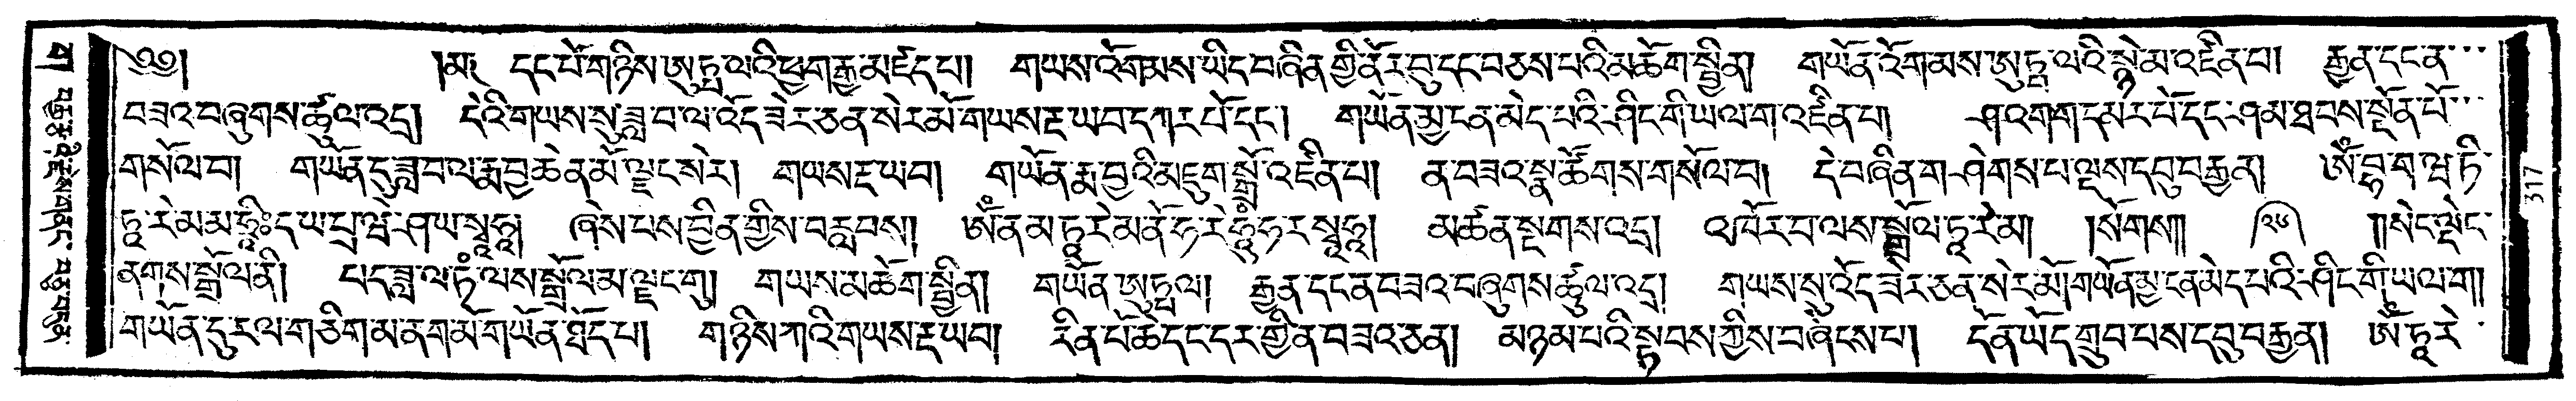༄༅། །མ༑ དང་པོ་གཉིས་ཨུཏྤ་ལའི་ཕྱག་རྒྱ་མཛད་པ། གཡས་འོག་མས་ཡིད་བཞིན་གྱི་ནོར་བུ་དང་བཅས་པའི་མཆོག་སྦྱིན། གཡོན་འོག་མས་ཨུཏྤ་ལའི་སྙེ་མ་འཛིན་པ། རྒྱན་དང་ན་
བཟའ་བཞུགས་ཚུལ་འདྲ། དེའི་གཡས་སུ་ཟླ་བ་ལ་འོད་ཟེར་ཅན་སེར་མོ་གཡས་རྔ་ཡབ་དཀར་པོ་དང་། གཡོན་མྱ་ངན་མེད་པའི་ཤིང་གི་ཡལ་ག་འཛིན་པ། ཤ་འགག་དམར་པོ་དང་ཤམ་ཐབས་སྔོན་པོ་
གསོལ་བ། གཡོན་དུ་ཟླ་བ་ལ་རྨ་བྱ་ཆེན་མོ་ལྗང་སེར། གཡས་རྔ་ཡབ། གཡོན་རྨ་བྱའི་མཇུག་སྒྲོ་འཛིན་པ། ན་བཟའ་སྣ་ཚོགས་གསོལ་བ། དེ་བཞིན་གཤེགས་པ་ལྔས་དབུ་བརྒྱན། ཨོཾ་བྷ་ག་ཝ་ཏི་
ཏཱ་རེ་མ་མ་ཧྲཱིཿད་ཡ་པྲ་ཝེ་ཤ་ཡ་སྭཱཧཱ། ཞེས་པས་བྱིན་གྱིས་བརླབས། ཨོཾ་ནམ་ཏཱ་རེ་མ་ནོ་ཧ་རེ་ཧཱུཾ་ཧ་ར་སྭཱཧཱ། མཚན་སྔགས་འདྲ། འཁོར་བ་ལས་སྒྲོལ་ཏཱ་རེ་མ། །སོགས།། ༢༦?་།།སེང་ལྡེང་
ནགས་སྒྲོལ་ནི། པད་ཟླ་ལ་ཏཾ་ལས་སྒྲོལ་མ་ལྗང་གུ། གཡས་མཆོག་སྦྱིན། གཡོན་ཨུཏྤལ། རྒྱན་དང་ན་བཟའ་བཞུགས་ཚུལ་འདྲ། གཡས་སུ་འོད་ཟེར་ཅན་སེར་མོ། གཡོན་མྱ་ངན་མེད་པའི་ཤིང་གི་ཡལ་ག།
གཡོན་དུ་རལ་གཅིག་མ་ནག་མོ་གཡོན་ཐོད་པ། གཉིས་ཀའི་གཡས་རྔ་ཡབ། རིན་པོ་ཆེ་དང་དར་གྱི་ན་བཟའ་ཅན། མཉམ་པའི་སྟབས་ཀྱིས་བཞེངས་པ། དོན་ཡོད་གྲུབ་པས་དབུ་བརྒྱན། ཨོཾ་ཏཱ་རེ་